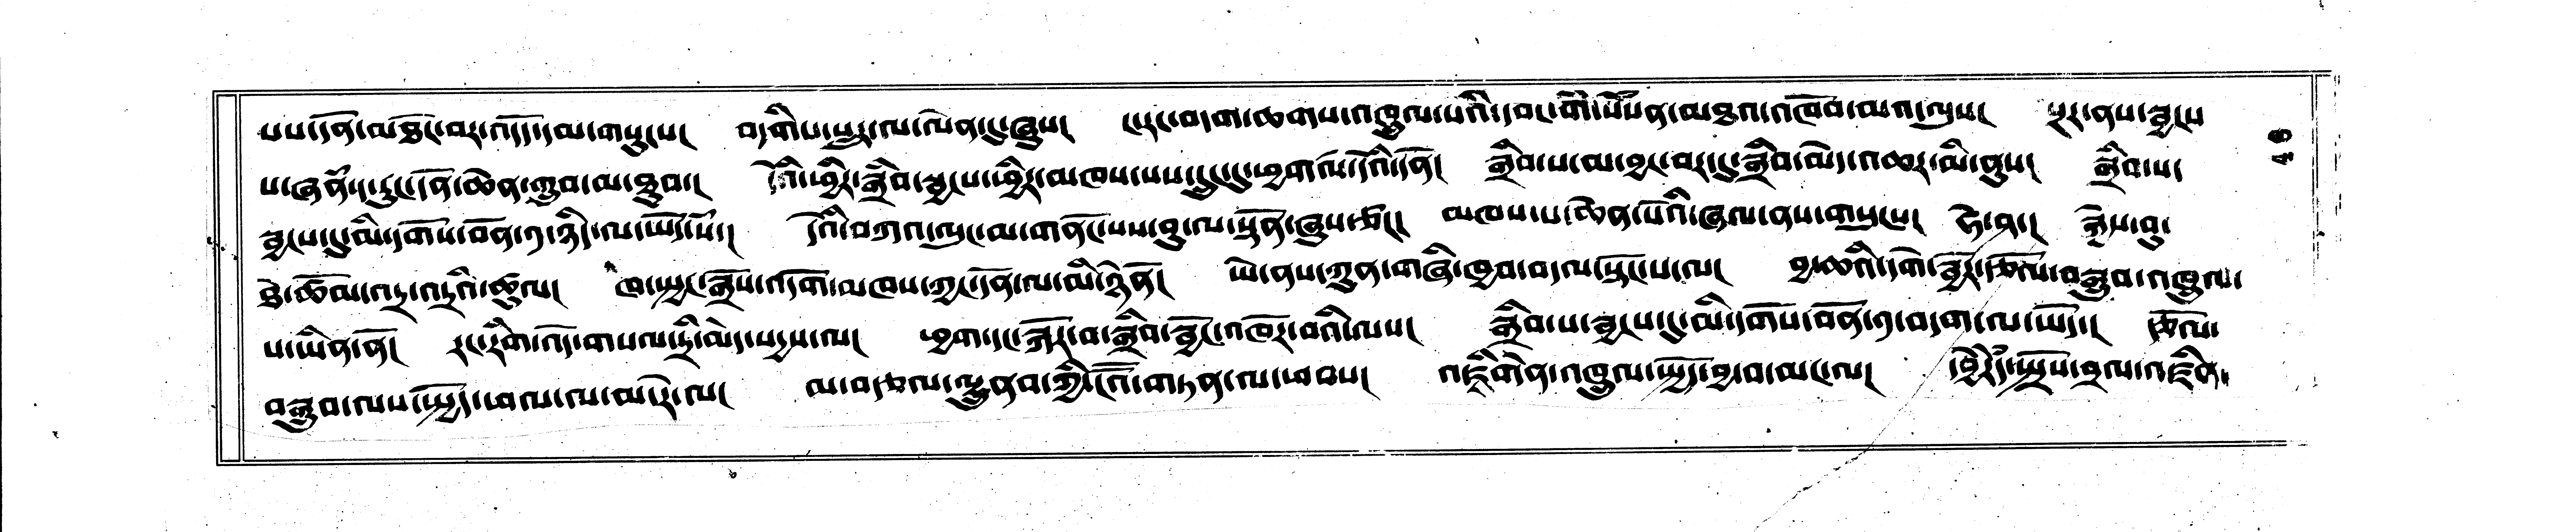པས་དོན་མཐོང་བར་འདོད་དམ་གསུངས། བདག་གིས་སླར་ལ་ལན་དུ་ཞུས། ང་རང་བག་ཆགས་འཁྲུལ་པའི་དབང་གི་སེམས་ཅན་མཐའ་འཁོབ་མིའི་ལུས། སྔར་ནས་སྦྱངས་
པ་ཞན་ནམ་ད་རུང་དོན་ཆེན་གྲུབ་མ་ཐུབ། དེའི་ཕྱིར་སྒྲིབ་སྦྱངས་ཕྱིར་མཁས་པའི་དྲུང་དུ་ཕྱག་འཚལ་དེའི་དོན། སྒྲིབ་པ་མ་བྱང་བར་དུ་སྒྲིབ་མེད་འཆར་མི་ནུས། སྒྲིབ་པ་
སྦྱངས་དུ་མི་དགོས་བོན་གཅིག་ཉིད་ལ་ཡོད་དམ། དེའི་བཀའ་ལུང་མ་གནོང་པས་བུ་ལ་སྟོན་ཞུས་ཙ། མཁས་པ་ཆེན་པོའི་ཞལ་ནས་གསུངས། ཧེ་ཤ། སྐྱེས་བུ་
ཐེ་ཚོམ་འདྲ་འདྲའི་ཚུལ། ཁ་སྤྱང་སྒྲོས་འདོག་མཁས་ཀྱང་དོན་ལ་མི་ཉན་ནོ། ཡེ་ནས་ཀུན་གཞི་ཁྱབ་བདལ་སྟོང་པ་ལ། བྱ་ཆའི་དགེ་སྦྱོར་རྩོལ་བསྒྲུབ་འཁྲུལ་
པ་ཡིན་ནོ། རང་རིག་འོད་གསལ་དྲི་མེད་སངས་རྒྱས་ལ། ཕྱག་དང་སྐོར་བ་སྒྲིབ་སྦྱོང་འཁོར་བའི་ལས། སྒྲིབ་པ་སྦྱངས་དུ་མི་དགོས་བོན་གཅིག་བདག་ལ་ཡོད། རྩོལ་
བསྒྲུབ་ལས་སྤྱོད་ཕལ་ལ་མ་རེ་ལ། མ་བརྩལ་ལྷུན་གྲུབ་ཀྱི་ངོ་བོ་གཏན་ལ་ཕབ། འཇིག་རྟེན་འཁྲུལ་སྤྱོད་བྱ་བ་༼མ༽མང་ལ། དབྱེར་མེད་སྤྲོས་བྲལ་འཛིན་